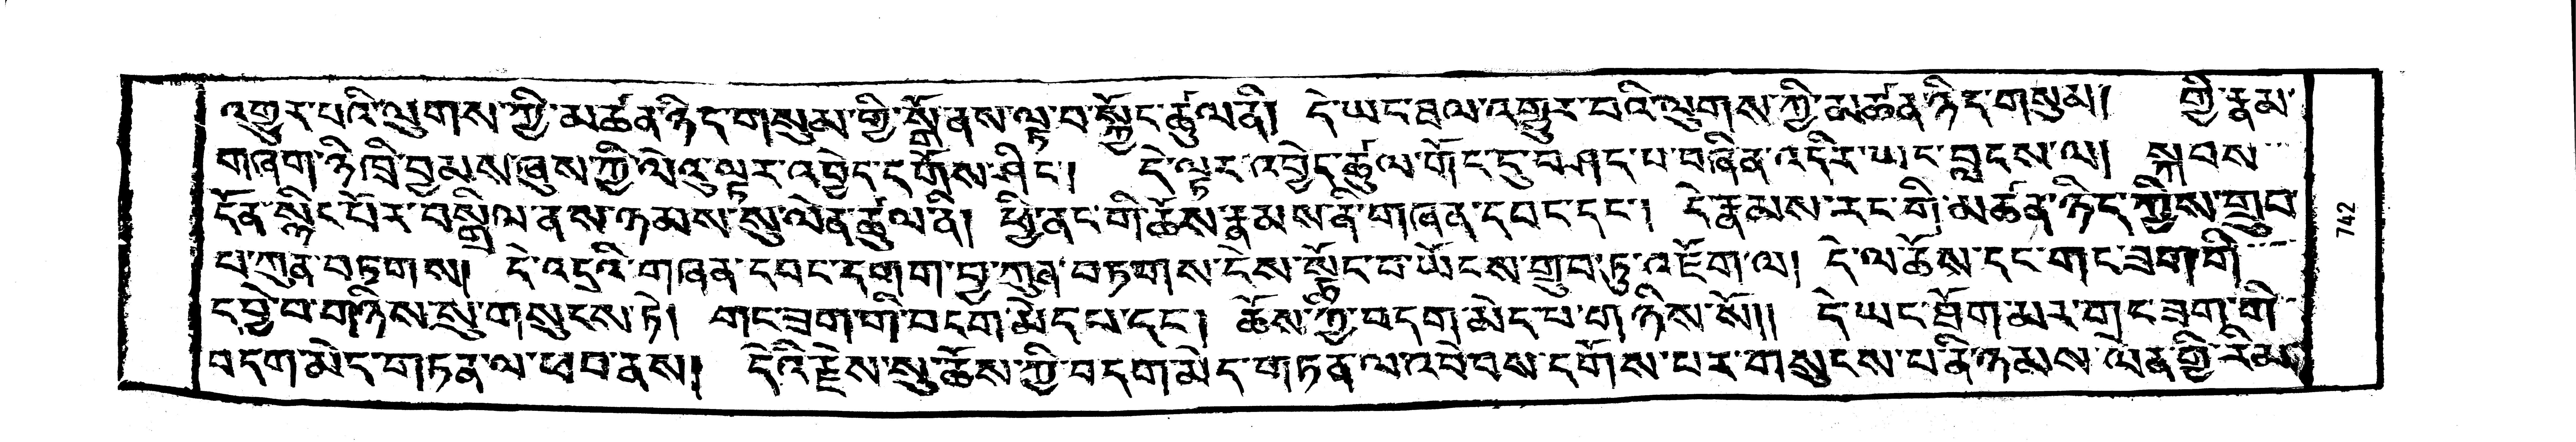འགྱུར་པའི་ལུགས་ཀྱི་མཚན་ཉིད་གསུམ་གྱི་སྒོ་ནས་ལྟ་བ་སྐྱོང་ཚུལ་ནི། དེ་ཡང་ཐལ་འགྱུར་བའི་ལུགས་ཀྱི་མཚན་ཉིད་གསུམ། གྱི་རྣམ་
གཞག་ཉི་ཁྲི་བྱམས་ཞུས་ཀྱི་ལེའུ་ལྟར་འབྱེད་དགོས་ཤིང་། དེ་ལྟར་འབྱེད་ཚུལ་གོང་དུ་བཤད་པ་བཞིན་འདིར་ཡང་བླངས་ལ། སྐབས་
དོན་སྙིང་པོར་བསྒྲིལ་ནས་ཉམས་སུ་ལེན་ཚུལ་ནི། ཕྱི་ནང་གི་ཆོས་རྣམས་ནི་གཞན་དབང་དང་། དེ་རྣམས་རང་གི་མཚན་ཉིད་ཀྱིས་གྲུབ་
པ་ཀུན་བཏགས། དེ་འདྲའི་གཞན་དབང་དགག་བྱ་ཀུན་བཏགས་ངེས་སྟོང་བ་ཡོངས་གྲུབ་ཏུ་འཇོག་ལ། དེ་ལ་ཆོས་དང་གང་ཟག་གི་
དབྱེ་བ་གཉིས་སུ་གསུངས་ཏེ། གང་ཟག་གི་བདག་མེད་པ་དང་། ཆོས་ཀྱི་བདག་མེད་པ་གཉིས་སོ། །དེ་ཡང་ཐོག་མར་གང་ཟག་གི་
བདག་མེད་གཏན་ལ་ཕབ་ནས། དེའི་རྗེས་སུ་ཆོས་ཀྱི་བདག་མེད་གཏན་ལ་འབེབས་དགོས་པར་གསུངས་པ་ནི་ཉམས་ལེན་གྱི་རིམ་